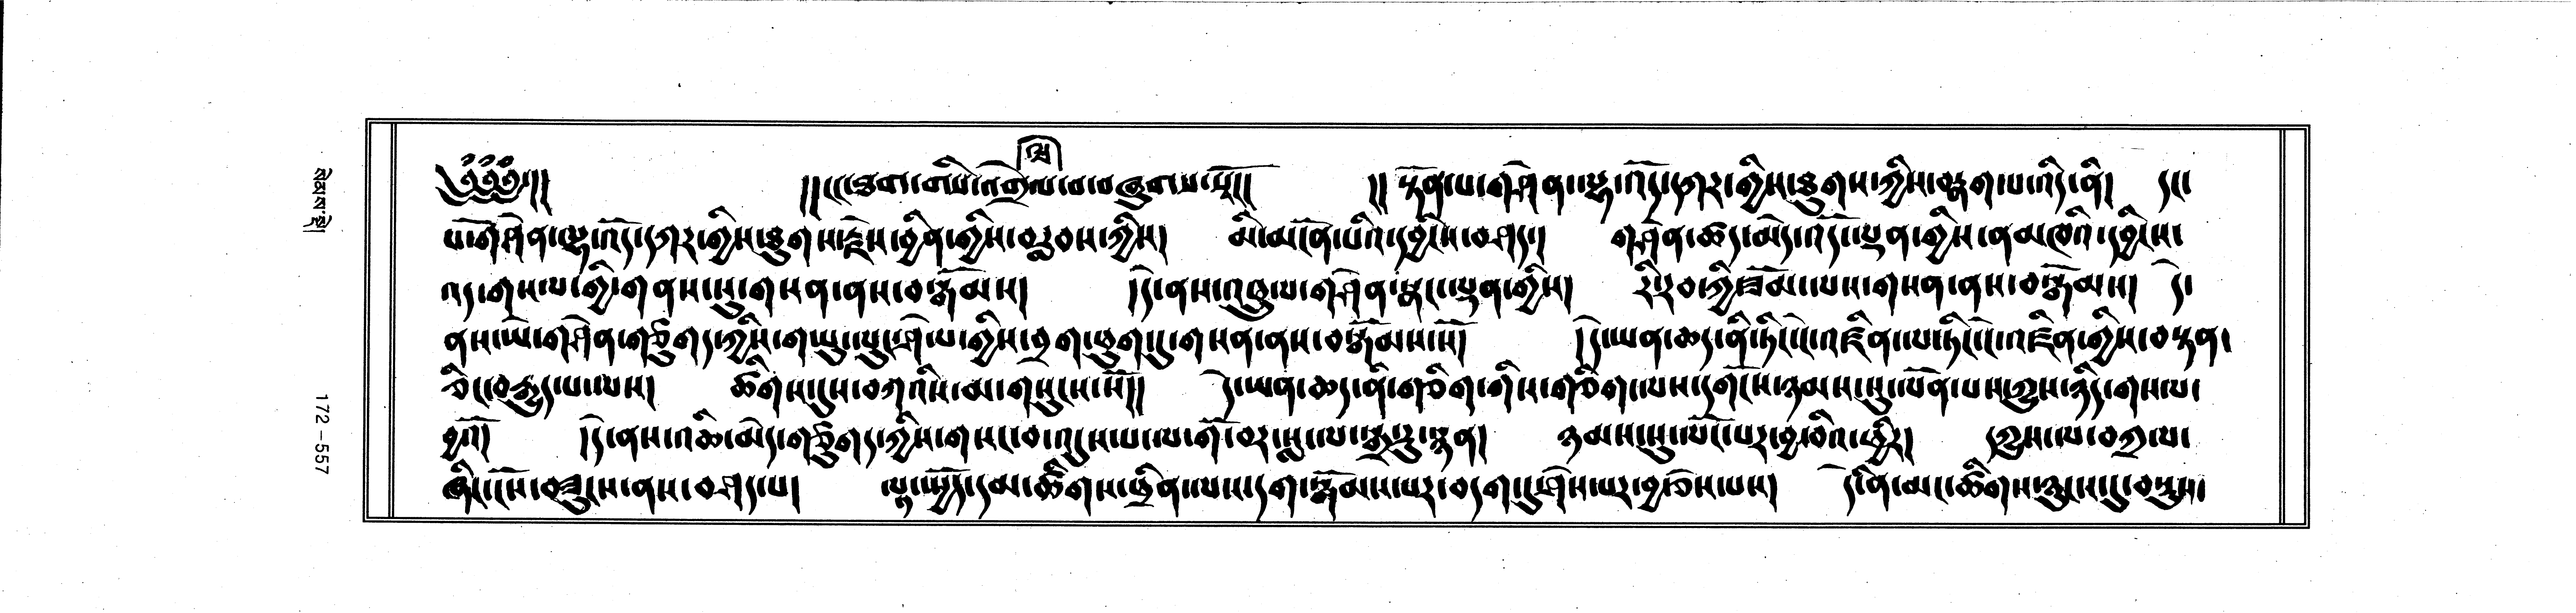༼ཝ༽ངང་ཐག་གི་འགྲེལ་བ་བཞུགས་སྭོ།།༄༅།། །།སྟོན་པ་གཤེན་ལྷ་འོད་དཀར་གྱིས་ཐུགས་ཀྱིས་བརྣག་པ་འདི་ནི། དང་
པོ་གཤེན་ལྷ་འོད་དཀར་གྱིས་ཐུགས་རྗེས་བྱིན་གྱིས་བརླབས་ཀྱིས། མི་མངོན་པའི་དབྱིངས་བཤད། གཤེན་ཚད་མེད་འོད་ལྡན་གྱིས་ནམ་མཁའི་དབྱིངས་
འོད་གསལ་གྱི་གནས་སུ་གསན་ནས་བསྒོམས། དེ་ནས་འཕྲུལ་གཤེན་སྣང་ལྡན་གྱིས། རི་རབ་ཀྱི་ཟོམ་ལས་གསན་ནས་བསྒོམས། དེ་
ནས་ཡེ་གཤེན་གཙུག་ཕུད་ཀྱིས་གཡུ་ལུང་ཤེལ་གྱིས་བྲག་ཕུག་དུ་གསན་ནས་བསྒོམས་སོ། དེ་ཡན་ཆད་ནི་ཏིང་ངེ་འཛིན་ལ་གཏིང་ངེ་འཛིན་གྱིས་བསྟན་
ཅིང་བརྒྱུད་པ་ལས། ཚིགས་དུས་བཀའ་འིས་མ་གསུངས་སོ། དེ་ཡན་ཆད་ནི་གཅིག་གིས་གཅིག་ལས་དགོངས་ཉམས་སུ་ལོན་པས་ཀྱུས་ཉིད་གསལ་
བྱའོ། དེ་ནས་འཆི་མེད་གཙུག་ཕུད་ཀྱིས་གསང་བ་འདུས་པ་ལ་གོ་བར་སླ་ལ་སྒྲ་རུ་སྙན། ཉམས་སུ་ལོང་པར་བྱ་བའི་ཕྱིར། དཀྱུས་ལ་བཀྲལ་
ཞིང་ངོས་བཟུངས་ནས་བཤད་པ། ལྟ་སྤྱོད་དམ་ཚིགས་ཕྲིན་ལས་དག་སྒོམས་པར་བདག་དུ་ཤེས་པར་བྱ་ཅེས་པས། དེ་ནི་མང་ཚིག་ཉུང་དུ་བསྡུས་